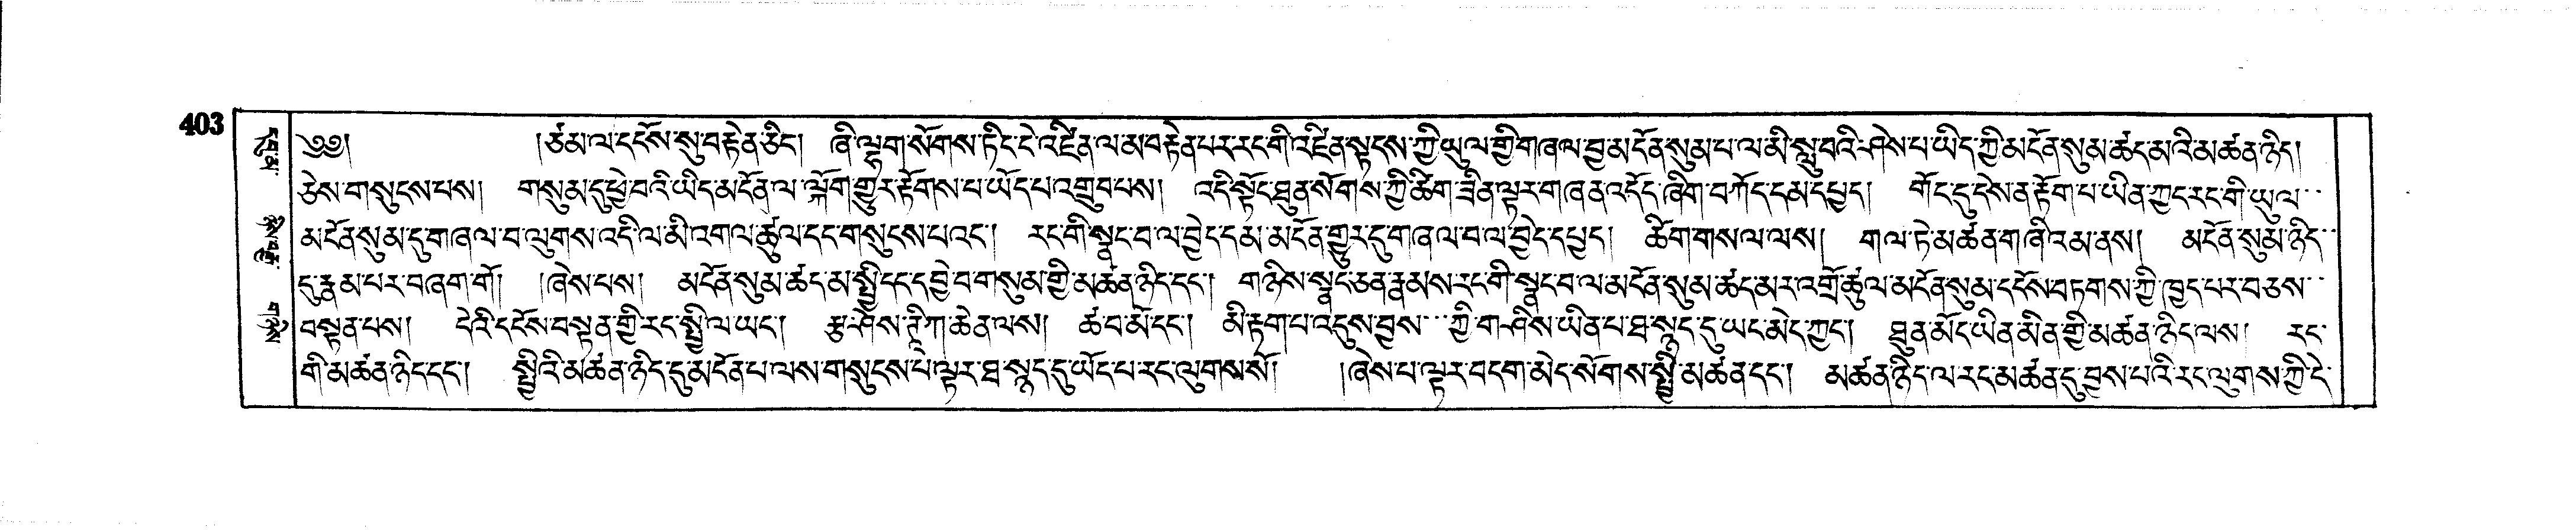༄༅། །ཙམ་ལ་དངོས་སུ་བརྟེན་ཅིང་། ཞི་ལྷག་སོགས་ཏིང་ངེ་འཛིན་ལ་མ་བརྟེན་པར་རང་གི་འཛིན་སྟངས་ཀྱི་ཡུལ་གྱི་གཞལ་བྱ་མངོན་སུམ་པ་ལ་མི་སླུ་བའི་ཤེས་པ་ཡིད་ཀྱི་མངོན་སུམ་ཚད་མའི་མཚན་ཉིད།
ཅེས་གསུངས་པས། གསུམ་དུ་ཕྱེ་བའི་ཡིད་མངོན་ལ་ལྐོག་གྱུར་རྟོགས་པ་ཡོད་པ་འགྲུབ་པས། འདི་སྟོང་ཐུན་སོགས་ཀྱི་ཚིག་ཟིན་ལྟར་གཞན་འདོད་ཞིག་བཀོད་དམ་དཔྱད། གོང་དུ་དེས་ན་རྟོག་པ་ཡིན་ཀྱང་རང་གི་ཡུལ་
མངོན་སུམ་དུ་གཞལ་བ་ལུགས་འདི་ལ་མི་འགལ་ཚུལ་དང་གསུངས་པའང་། རང་གི་སྣང་བ་ལ་བྱེད་དམ་མངོན་གྱུར་དུ་གཞལ་བ་ལ་བྱེད་དཔྱད། ཚིག་གསལ་ལས། གལ་ཏེ་མཚན་གཞིའམ་ནས། མངོན་སུམ་ཉིད་
དུ་རྣམ་པར་བཞག་གོ། །ཞེས་པས། མངོན་སུམ་ཚད་མ་སྤྱི་དང་དབྱེ་བ་གསུམ་གྱི་མཚན་ཉིད་དང་། གཉིས་སྣང་ཅན་རྣམས་རང་གི་སྣང་བ་ལ་མངོན་སུམ་ཚད་མར་འགྲོ་ཚུལ་མངོན་སུམ་དངོས་བཏགས་ཀྱི་ཁྱད་པར་བཅས་
བསྟན་པས། དེའི་དངོས་བསྟན་གྱི་རང་སྤྱི་ལ་ཡང་། རྩ་ཤེས་ཊཱིཀ་ཆེན་ལས། ཚ་བ་མོ་དང་། མི་རྟག་པ་འདུས་བྱས་ཀྱི་གཤིས་ཡིན་པ་ཐ་སྙད་དུ་ཡང་མེད་ཀྱང་། ཐུན་མོང་ཡིན་མིན་གྱི་མཚན་ཉིད་ལས། རང་
གི་མཚན་ཉིད་དང་། སྤྱིའི་མཚན་ཉིད་དུ་མངོན་པ་ལས་གསུངས་པ་ལྟར་ཐ་སྙད་དུ་ཡོད་པ་རང་ལུགས་སོ། །ཞེས་པ་ལྟར་བདག་མེད་སོགས་སྤྱི་མཚན་དང་། མཚན་ཉིད་ལ་རང་མཚན་དུ་བྱས་པའི་རང་ལུགས་ཀྱི་དེ་